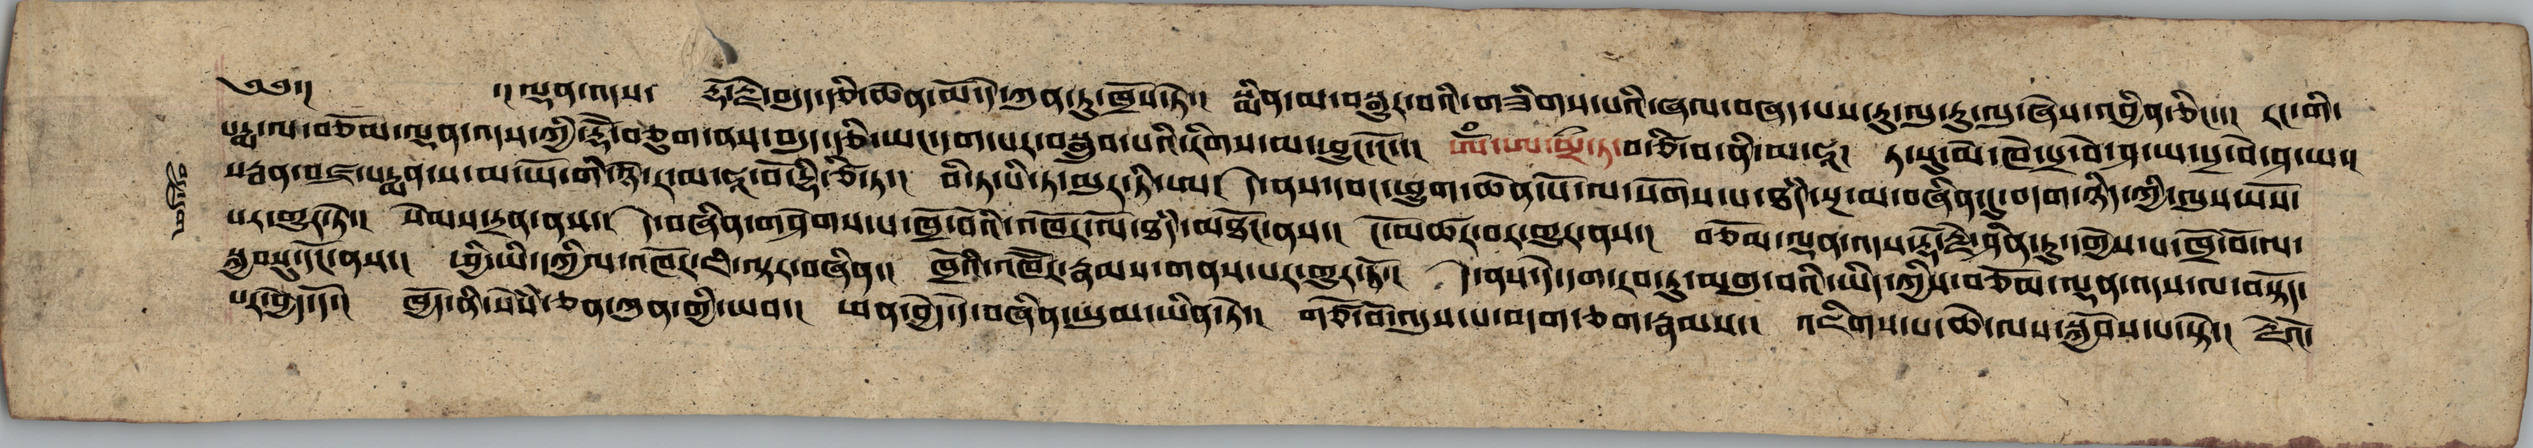༄༅་། ་།ལྡན་འདས་ རྡོ་རྗེ་བདུད་རྩི་ཆེན་མོ་དེ་ཀུན་ཏུ་ཁྲོས་ཏེ་། སྨིན་མ་བསྒྱུར་བའི་གཟིགས་པའི་ཞལ་བཞད་པས་རུ་ལུ་རུ་ལུ་ཞེས་འབྱིན་ཅིང་་། རང་གི་
པདྨ་ལ་བཅོམ་ལྡན་འདས་ཀྱི་རྡོེ་བཅུག་ནས་བདུད་རྩི་ཡང་དག་པར་བསྒྲུབ་པའི་རིགས་མ་ཕྱུང་ངོ་་། ཨོཾ་ཨ་མྲྀ་ཏ་བ་ཙི་བ་ནི་མ་ཧཱ། ཏ་སུ་མེ་ཁེ་པྲ་བེ་ཤ་ཡ་པྲ་བེ་ཤ་ཡ་།
སརྦན་བཛྲ་པདྨན་ས་མ་ཡོ་གི་ཉེ་ར་མ་ཧཱ་བོ་ཌྷི་ཙི་ཏ་། བི་ཏ་པི་ཏ་མུར་ཏི་ཨ། དེ་ནས་དབང་ཕྱུག་ཆེན་པོ་ལ་སོགས་པ་ཐཾད་སྔ་མ་བཞིན་དུ་བདག་ཉིད་ཀྱི་ལུས་སོས་
པར་གྱུར་ཏེ་། སེམས་དྲན་ནས་། དེ་བཞིན་གཤེགས་པ་ཁྲོ་བོའི་འཁོར་ལོ་ཐདཾ་མཐོང་ནས་། ངོ་མཚར་བར་གྱུར་ནས་། བཅོམ་ལྡན་འདས་རྡོ་རྗེ་ཤིན་ཏུ་དགྱེས་པ་ཁྲོ་བོ་ལ་
སྐྱབསུ་དོང་ནས་། ཕྱི་ཡི་དཀྱིལ་འཁོར་ཇི་ལྟར་བཞིན་། ཁྲོའི་འཁཽར་རྣམས་གནས་པར་གྱུར་ཏོ་། དེ་ནས་དེ་དག་རབ་ཏུ་མགུ་བའི་ཡིད་ཀྱིས་བཅོམ་ལྡན་འདས་ལ་བསྟོད་
པར་བྱེད་དོ་། ཁྱོད་ནི་སེཾས་ཅན་ཀུན་གྱི་ཡབ་། ཕན་བྱེད་དེ་བཞིན་ཡུམ་ཡིན་ཏེ་། གཙོ་བོ་འདུས་པ་བདག་ཅག་རྣམས་། འཇིགས་པ་ཆེ་ལས་སྐྱོབས་པ་སྟེ་། རྗེའོ་